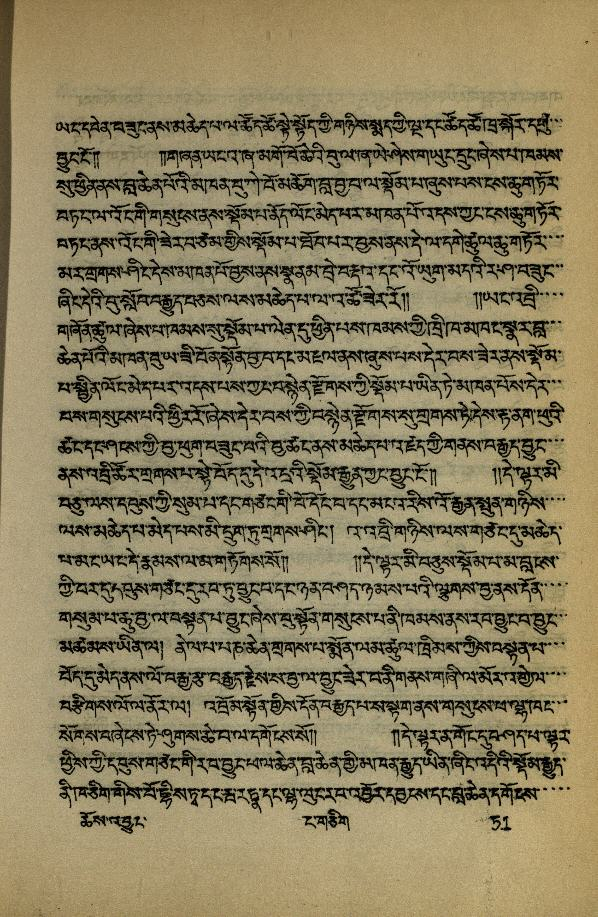ཡང་དབེན་བཟུང་ནས་མཆེད་པ་ལ་ཚོད་ཚོ་སྟེ་སྟོད་ཀྱི་གཉིས་སྨད་ཀྱི་ལྔ་དང་ཚོད་ཚོ་ཁྲ་སྐོར་དགུ་
བྱུང་ངོ།། །།གཞན་ཡང་འ་ཞ་མགོ་བོ་ཆེའི་བུ་ལ་ཞ་ཡེ་ཤེས་གཡུང་དྲུང་ཞེས་པ་ཁམས་
སུ་ཕྱིན་ནས་བླ་ཆེན་པོའི་མཁན་བུ་ཀེ་བོ་མཆོག་བླ་བྱ་བ་ལ་སྡོམ་པ་ཞུས་པས་ངས་ཆུ་གཏོར་
བཏང་ལ་འོང་གི་གསུངས་ནས་སྡོམ་པ་ནོད་ལོང་མེད་པར་མཁན་པོ་འདས་ཀྱང་ངས་ཆུ་གཏོར་
བཏང་ནས་འོང་གི་ཟེར་བ་ཙམ་གྱིས་སྡོམ་པ་ཐོབ་པར་བྱས་ནས་དེ་ལ་དགེ་ཚུལ་ཆུ་གཏོར་
མར་གྲགས་ཤིང་དེས་མཁན་པོ་བྱས་ནས་སྣ་ནམ་བྲེ་བརྡའ་དང་འོ་ཡུག་མདའི་ར་ཤ་བཟུང་
ཞིང་དེའི་བུ་སློབ་བརྒྱུད་བཅས་ལས་མཆེད་པ་ལ་འཚོ་ཟེར་རོ།། །།ཡང་འབྲི་
གཞོན་ཚུལ་ཞེས་པ་ཁམས་སུ་སྡོམ་པ་ལེན་དུ་ཕྱིན་པས་ཁམས་ཀྱི་ཁྲི་ཁ་མ་ཁང་སྣར་བླ་
ཆེན་པོའི་མཁན་བུ་ཡ་ཟི་བོན་སྟོབ་བྱ་བ་དང་མཇལ་ནས་ཞུས་པས་དེར་བས་ཟེར་ནས་སྡོམ་
པ་སྦྱིན་ལོང་མེད་པར་འདས་པས་ཀྱང་བསྙེན་རྫོགས་ཀྱི་སྡོམ་པ་ཡིན་ཏེ་མཁན་པོས་དེར་
བས་གསུངས་པའི་ཕྱིར་རོ་ཞེས་དེར་བས་ཀྱི་བསྙེན་རྫོགས་སུ་གྲགས་ཏེ་དེས་རྟ་ནག་ཕུའི་
ཚང་དང་ཤངས་ཀྱི་བྱ་ཕུག་བཟུང་བའི་བྱ་ཚང་ནས་མཆེད་པ་འཛད་ཀྱི་གནས་བརྒྱད་བྱུང་
ནས་འབྲི་ཚོར་གྲགས་པ་སྟེ་བོད་དུ་དེ་འདྲའི་སྡོམ་རྒྱུན་ཀྱང་བྱུང་ངོ།། །།དེ་ལྟར་མི་
བཅུ་ལས་དབུས་ཀྱི་སུམ་པ་དང་གཙང་གི་བོ་དོང་བ་དང་མངའ་རིས་འོ་རྒྱན་སྤུན་གཉིས་
ལས་མཆེད་པ་མེད་པས་མི་དྲུག་ཏུ་གྲགས་ཤིང་། འ་འབྲི་གཉིས་ལས་གཙང་དུ་མཆེད་
པ་མང་ཡང་དེ་རྣམས་ལ་མ་གཏོགས་སོ།། །།དེ་ལྟར་མི་བཅུས་སྡོམ་པ་མ་བླངས་
ཀྱི་བར་དུ་དབུས་གཙང་དུ་རབ་ཏུ་བྱུང་བ་དང་ཉན་བཤད་ཉམས་པའི་ལྕགས་བྱ་ནས་དོན་
གསུམ་པ་ཆུ་བྱ་ལ་བསྟན་པ་བྱུང་ཞེས་བུ་སྟོན་གསུངས་པ་ནི་ཁམས་ནས་རབ་བྱུང་བ་བྱུང་
མཚམས་ཡིན་ལ། ནེལ་པ་པཎ་ཆེན་གྲགས་པ་སྨོན་ལམ་ཚུལ་ཁྲིམས་ཀྱིས་བསྟན་པ་
བོད་དུ་མེད་ནས་ལོ་བརྒྱ་རྩ་བརྒྱད་རྗེས་ས་བྱ་ལ་བྱུང་ཟེར་བ་ནི་གནས་གཞི་ལ་མོར་འགྱེལ་
བརྩིགས་ལོ་ལ་ནོར་ལ། འབྲོམ་སྟོན་གྱིས་དོན་བརྒྱད་པ་ས་སྟག་ནས་གསུངས་པ་ལྷ་ཁང་
སོགས་བཞེངས་ཏེ་ཤུགས་ཆེ་བ་ལ་དགོངས་སོ།། །།དེ་ལྟར་ན་གོང་དུ་བཤད་པ་ལྟར་
ཕྱིས་ཀྱི་དབུས་གཙང་གི་རབ་བྱུང་ཕལ་ཆེན་བླ་ཆེན་གྱི་མཁན་རྒྱུད་ཡིན་ཞིང་འདིའི་སྡོམ་རྒྱུད་
ནི་ཁ་ཅིག་གིས་བོ་དྷི་སཏྭ་དང་རྦ་རཏྣ་དང་ལྷ་ལུང་རབ་འབྱོར་དབྱངས་དང་བླ་ཆེན་དགོངས་